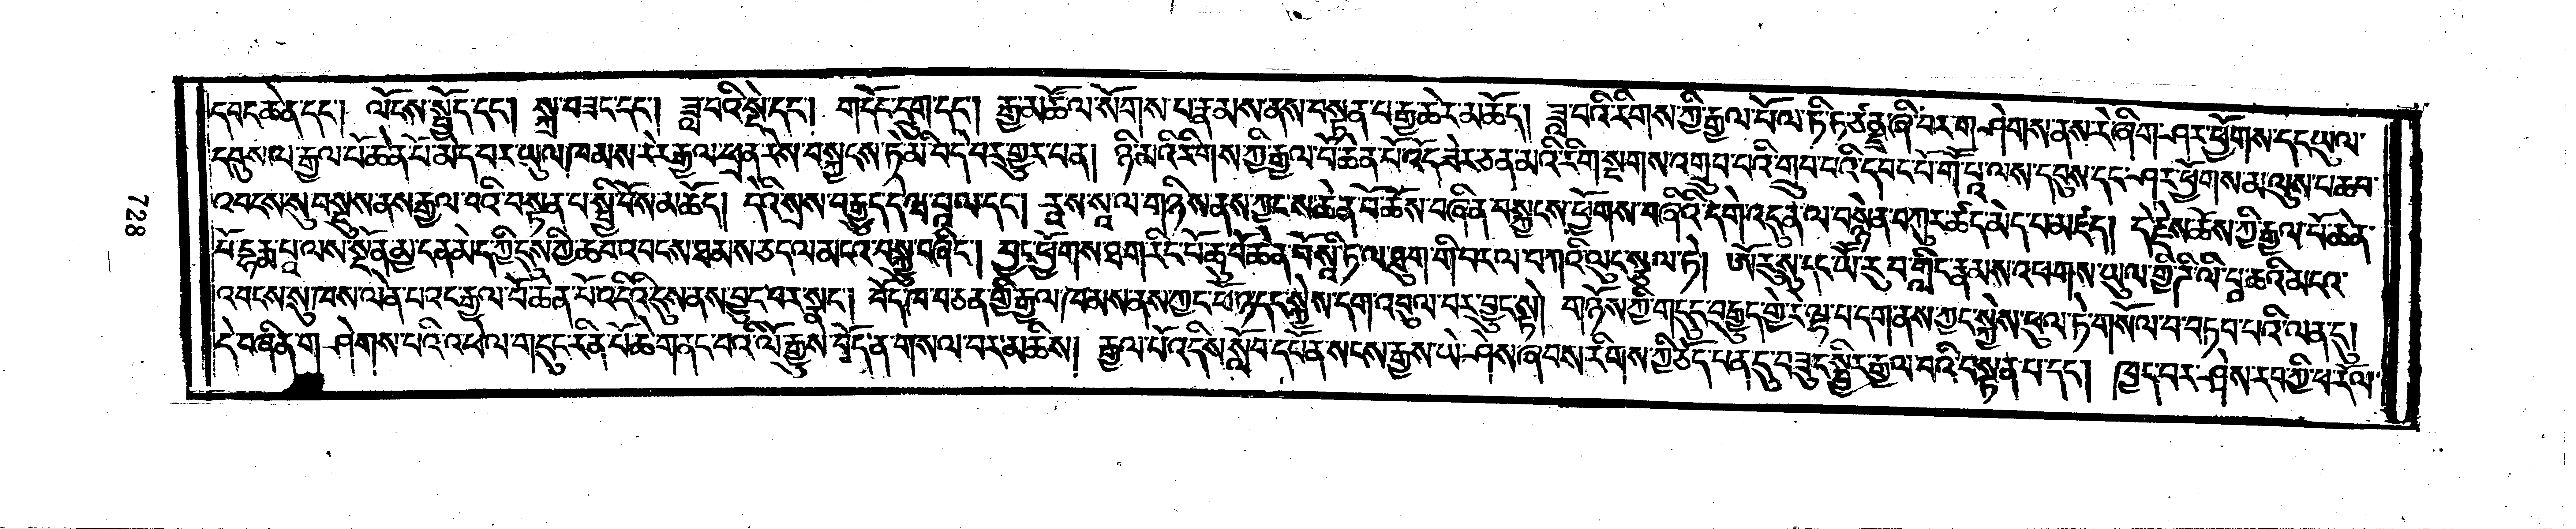དབང་ཆེན་དང་། ལོངས་སྤྱོད་དང་། སྐྲ་བཟང་དང་། ཟླ་བའི་སྡེ་དང་། གདོང་དྲུག་དང་། རྒྱ་མཚོ་ལ་སོགས་པ་རྣམས་ནས་བསྟན་པ་རྒྱ་ཆེར་མཆོད། ཟླ་བའི་རིགས་ཀྱི་རྒྱལ་པོ་ལ་ཏི་ཏ་ཙནྡྲ་ཞི་བར་གཤེགས་ནས་རེ་ཞིག་ཤར་ཕྱོགས་དང་ཡུལ་
དབུས་ལ་རྒྱལ་པོ་ཆེན་པོ་མེད་པར་ཡུལ་ཁམས་རེར་རྒྱལ་ཕྲན་རེས་བསྐྱངས་ཏེ་མི་བདེ་བར་གྱུར་པ་ན། ཉི་མའི་རིགས་ཀྱི་རྒྱལ་པོ་ཆེན་པོ་འོད་ཟེར་ཅན་མའི་རིག་སྔགས་འགྲུབ་པའི་གྲུབ་པའི་དབང་པོ་གཽ་པཱ་ལས་དབུས་དང་ཤར་ཕྱོགས་མ་ལུས་པ་ཆབ་
འབངས་སུ་བསྡུས་ནས་རྒྱལ་བའི་བསྟན་པ་སྤྱི་བོས་མཆོད། དེའི་སྲས་བརྒྱུད་དེ་ཝ་པཱ་ལ་དང་། རཱ་ས་སཱ་ལ་གཉིས་ནས་ཀྱང་ས་ཆེན་པོ་ཆོས་བཞིན་བསྐྱངས་ཕྱོགས་བཞིའི་དགེ་འདུན་ལ་བསྙེན་བཀུར་ཚད་མེད་པ་མཛད། དེ་རྗེས་ཆོས་ཀྱི་རྒྱལ་པོ་ཆེན་
པོ་དྷརྨ་པཱ་ལས་སྔོན་མྱ་ངན་མེད་ཀྱི་དུས་ཀྱི་ཆབ་འབངས་ཐམས་ཅད་ལ་མངའ་བསྐྱུ་བཞིང་། བྱང་ཕྱོགས་ཐག་རིང་པོ་ཆུ་པོ་ཆེན་བོསཱི་ཏ་ལ་ཐུག་གི་བར་ལ་བཀའི་ལུང་སྩལ་ཏེ། ཨོརུ་སུ་དང་ཡཽ་རུ་བ་གླིང་རྣམས་འཕགས་ཡུལ་གྱི་ཌི་ལི་པཱ་ཆའི་མངའ་
འབངས་སུ་ཁས་ལེན་པའང་རྒྱལ་པོ་ཆེན་པོ་འདིའི་དུས་ནས་བྱུང་བར་སྣང་། བོད་ཁ་བ་ཅན་གྱི་རྒྱལ་ཁམས་ནས་ཀྱང་ཕོ་ཉ་དང་སྐྱེས་དག་འབུལ་བར་བྱུང་སྟེ། གཉོས་ཀྱི་གདུང་བརྒྱུད་གྱེ་རེ་ལྷ་པ་དག་ནས་ཀྱང་སྐྱེས་ཕུལ་ཏེ་གསོལ་བ་བཏབ་པའི་ལན་དུ།
དེ་བཞིན་གཤེགས་པའི་འཕེལ་གདུང་རིན་པོ་ཆེ་གནང་བའི་ལོ་རྒྱུས་བོད་ན་གསལ་བར་མཆིས། རྒྱལ་པོ་འདིས་སློབ་དཔོན་སངས་རྒྱས་ཡེ་ཤེས་ཞབས་རིགས་ཀྱི་ཅོད་པན་དུ་བཟུང་སྦྱིར་རྒྱལ་བའི་བསྟན་པ་དང་། ཁྱད་པར་ཤེས་རབ་ཀྱི་ཕ་རོལ་